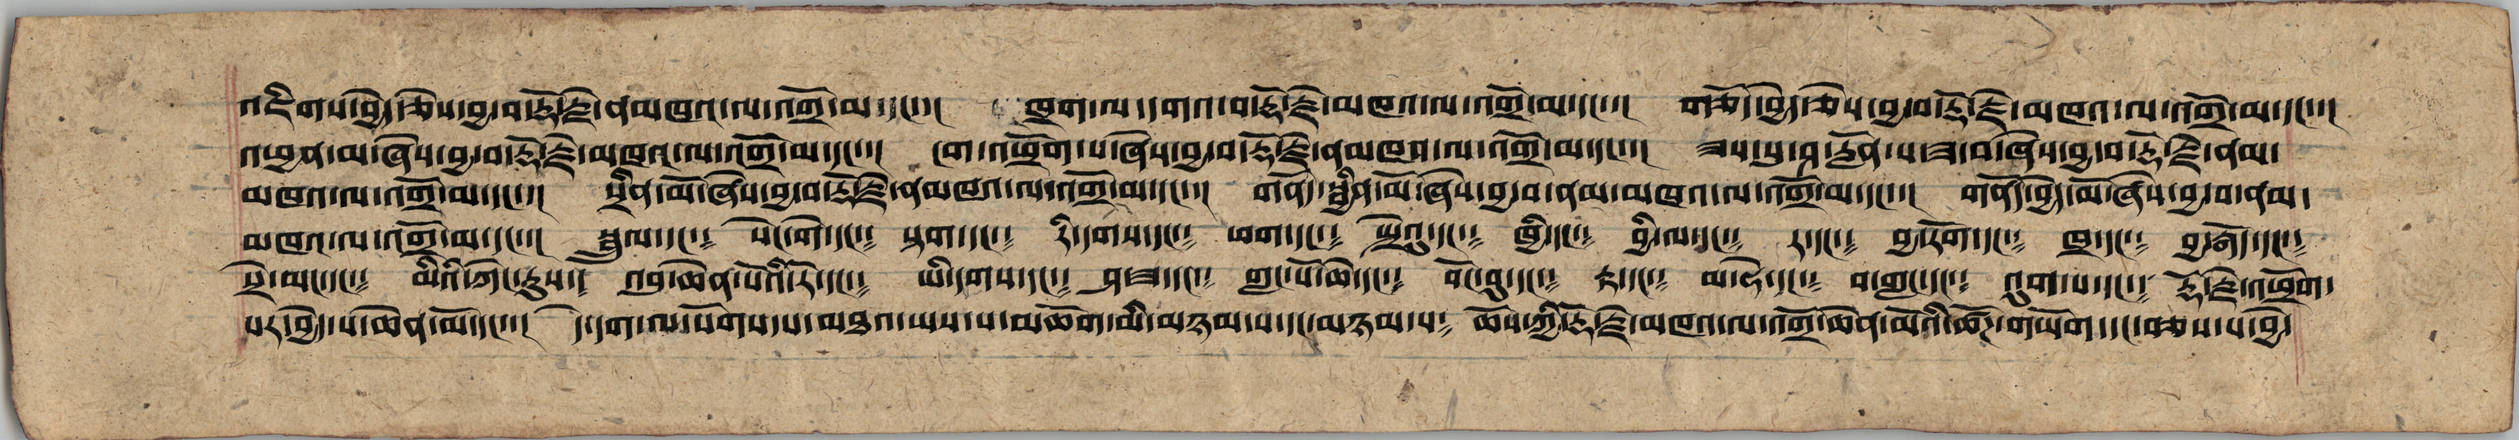འཇིགས་བྱེད་ཅེས་བྱ་བ་རྡོ་རྗེ་ནམཁའ་ལ་འགྲོ་མ་དང་་། ཁྲག་ལ་དགའ་བ་རྡོ་རྗེ་མཁའ་ལ་འགྲོ་མ་དང་་། གཅོད་བྱེད་ཅེས་བྱ་བ་རྡོ་རྗེ་མཁའ་ལ་འགྲོ་མ་དང་་།
འཕྱན་མ་ཞེས་བྱ་བ་རྡོ་རྗེ་མཁའ་ལ་འགྲོ་མ་དང་་། ངག་འཕྲོག་པ་ཞེས་བྱ་བ་རྡོ་རྗེ་ནམཁའ་ལ་འགྲོ་མ་དང་་། ཟས་སུ་ཤ་རློན་པ་ཟ་བ་ཞེས་བྱ་བ་རྡོ་རྗེ་ནམ་
མཁའ་ལ་འགྲོ་མ་དང་་། སྲིན་མོ་ཞེས་བྱ་བ་རྡོ་རྗེ་ནམཁའ་ལ་འགྲོ་མ་དང་་། གནོད་སྦྱིན་མོ་ཞེས་བྱ་བ་ནམ་མཁའ་ལ་འགྲོ་མ་དང་་། གནོད་བྱེད་མོ་ཞེས་བྱ་བ་ནམ་
མཁའ་ལ་འགྲོ་མ་སང་་། སྦྲུལ་དང་༴ སེང་གེ་དང་༴ སྟག་དང་༴ རི་དགས་དང་༴ ཕག་དང་༴ སྤྲེའུ་དང་༴ ཁྱི་དང་༴ བྱི་ལ་དང་༴ ར་དང་༴ བྱ་རོག་དང་༴ ཁྲ་དང་༴ བྱ་རྒོད་དང་༴
སྲེ་མང་དང་༴ མིའི་ཀེང་རུས་། འབུ་ཆེན་པོའི་རོ་དང་༴ ཡི་དགས་དང་༴ ཤ་ཟ་དང་༴ གླང་པོ་ཆེ་དང་༴ བོང་བུ་དང་༴ རྟ་དང་༴ མ་ཧེ་དང་༴ བ་གླང་དང་༴ འུག་པ་དང་༴ རྡོ་རྗེ་འཕྲོག་
པར་བྱེད་པ་ཆེན་མོ་དང་་། དེ་དག་ལ་སོགས་པ་མཐའ་ཡས་པ་མཆོག་མི་མཉམ་པ་དང་མཉམ་པ༴ ཆོས་ཀྱི་རྡོ་རྗེ་མཁའ་ལ་འགྲོ་ཆེན་མོའི་ཚོཌ་གཡོག་དང་བཅས་པ་བྱེ་